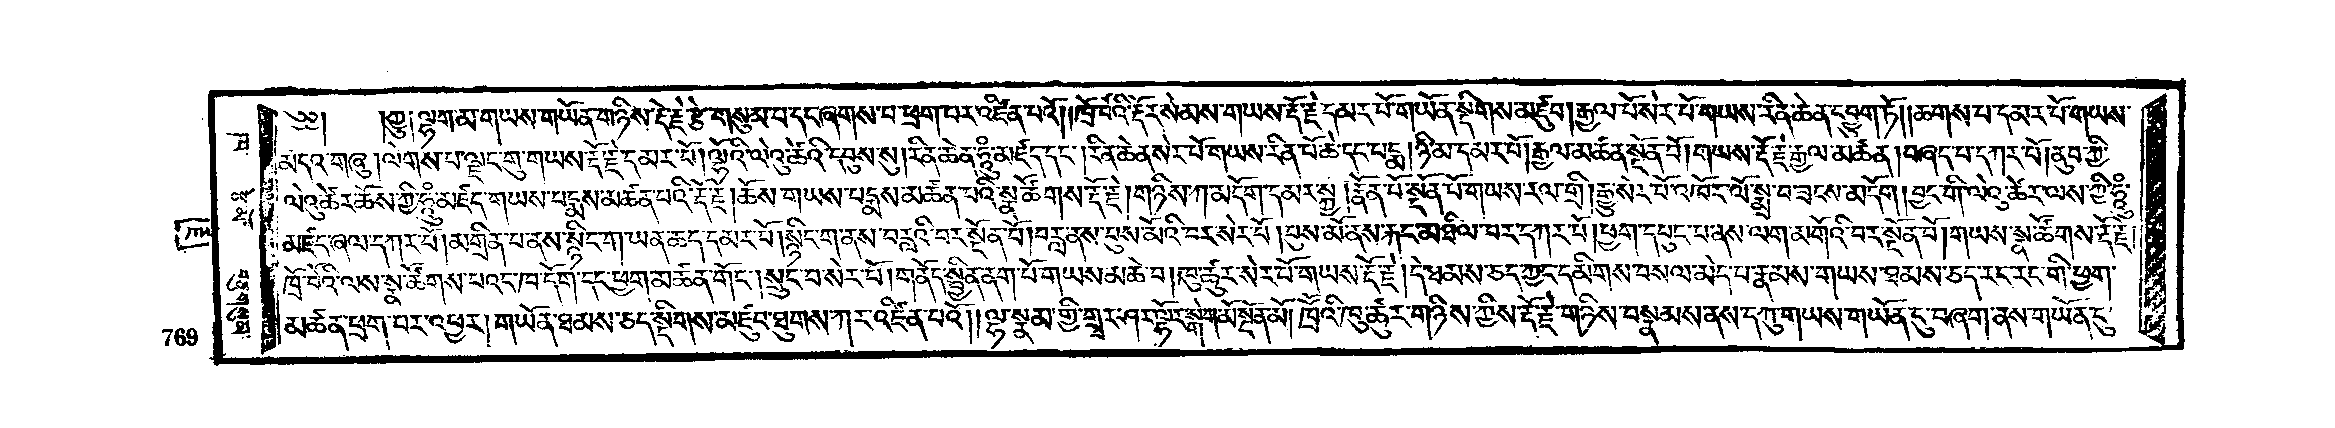༄༅། །ཀྱུ། ལྷག་མ་གཡས་གཡོན་གཉིས་རྡོ་རྗེ་རྩེ་གསུམ་པ་དང་ཞགས་པ་ཕྲག་པར་འཛིན་པའོ། །ཁྲོ་བོའི་རྡོར་སེམས་གཡས་རྡོ་རྗེ་དམར་པོ་གཡོན་སྡིགས་མཛུབ། རྒྱལ་པོ་སེར་པོ་གཡས་རིན་ཆེན་དབྱུག་ཏོ། །ཆགས་པ་དམར་པོ་གཡས་
མདའ་གཞུ། ལེགས་པ་ལྗང་གུ་གཡས་རྡོ་རྗེ་དམར་པོ། ལྷོའི་ལེའུ་ཚེའི་དབུས་སུ། རིན་ཆེན་ཧཱུཾ་མཛད་དང་། རིན་ཆེན་སེར་པོ་གཡས་རིན་པོ་ཆེ་དང་པདམ། ཉི་མ་དམར་པོ། རྒྱལ་མཚན་སྔོན་པོ། གཡས་རྡོ་རྗེ་རྒྱལ་མཚན། བཞད་པ་དཀར་པོ། ནུབ་ཀྱི་
ལེའུ་ཚེར་ཆོས་ཀྱི་ཧཱུཾ་མཛད་གཡས་པདམས་མཚན་པའི་རྡོ་རྗེ། ཆོས་གཡས་པདམས་མཚན་པའི་སྣ་ཚོགས་རྡོ་རྗེ། གཉིས་ཀ་མདོག་དམར་སྐྱ། རྣོན་པོ་སྔོན་པོ་གཡས་རལ་གྲི་།རྒྱུ་སེར་པོ་འཁོར་ལོ་སྨྲ་བ་ཟངས་མདོག །བྱང་གི་ལེའུ་ཚེར་ལས་ཀྱི་ཧཱུཾ་མཛད་ཞལ་དཀར་པོ། མགྲིན་པ་ནས་སྙིང་ག་ཡན་ཆད་དམར་པོ། སྙིང་ག་ནས་བརླའི་བར་སྔོན་པོ། བརླ་ནས་པུས་མོའི་བར་སེར་པོ། པུས་མོ་ནས་རྐང་མཐིལ་བར་དཀར་པོ། ཕྱག་དཔུང་པ་ནས་ལག་མགོའི་བར་སྔོན་པོ། གཡས་སྣ་ཚོགས་རྡོ་རྗེ།
ཁྲོ་བོའི་ལས་སྣ་ཚོགས་པའང་ཁ་དོག་དང་ཕྱག་མཚན་གོང་། སྲུང་བ་སེར་པོ། གནོད་སྦྱིན་ནག་པོ་གཡས་མཆེ་བ། ཁུ་ཚུར་སེར་པོ་གཡས་རྡོ་རྗེ། དེ་ཐམས་ཅད་ཀྱང་དམིགས་བསལ་མེད་པ་རྣམས་གཡས་ཐམས་ཅད་རང་རང་གི་ཕྱག་
མཚན་ཕྲག་པར་འཕྱར། གཡོན་ཐམས་ཅད་སྡིགས་མཛུབ་ཐུགས་ཀར་འཛིན་པའོ། །ལྷ་སྣམ་གྱི་གྲྭར་ཤར་ལྷོར་སྒེག་མོ་སྔོན་མོ། ཁྲོའི་ཁུ་ཚུར་གཉིས་ཀྱིས་རྡོ་རྗེ་གཉིས་བསྣམས་ནས་དཀུ་གཡས་གཡོན་དུ་བཞག་ནས་གཡོན་དུ་